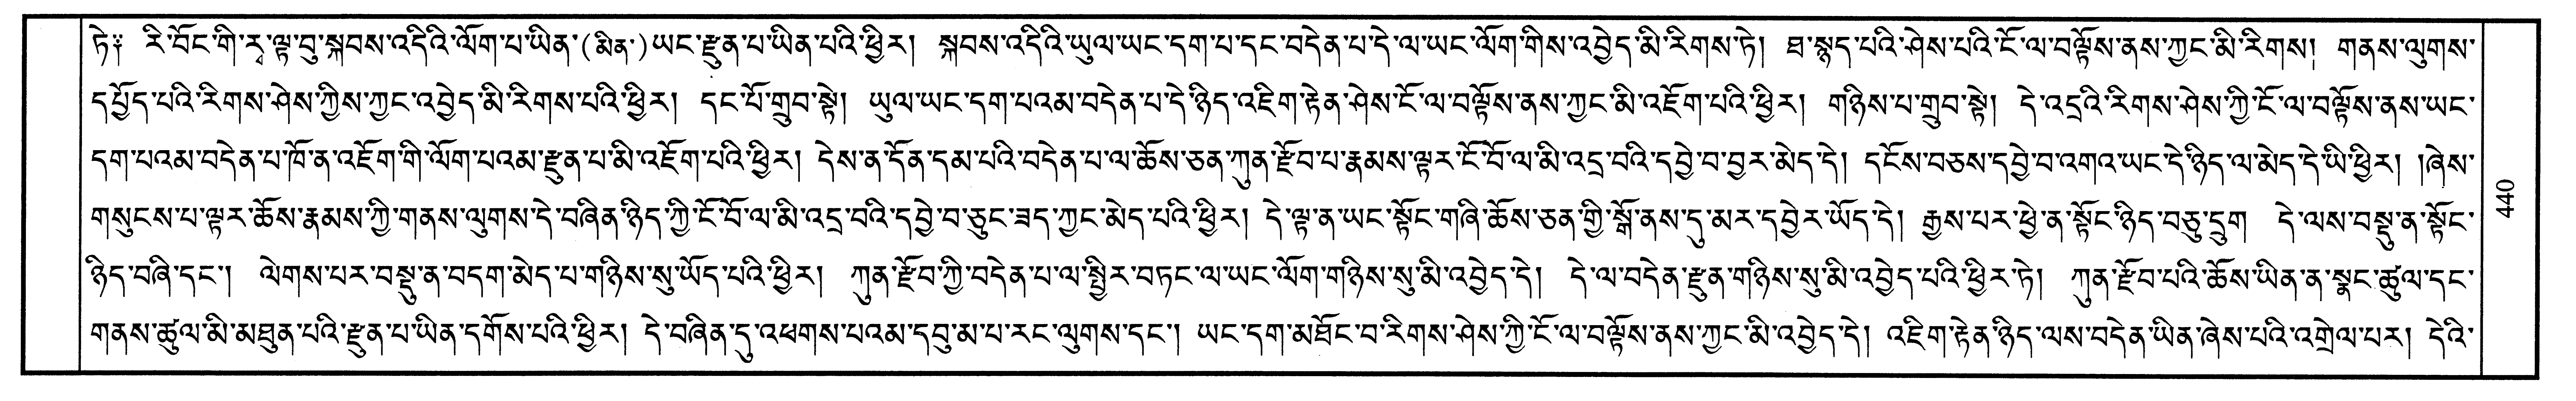ཏེ༑ རི་བོང་གི་རྭ་ལྟ་བུ་སྐབས་འདིའི་ལོག་པ་ཡིན་མིན་ཡང་རྫུན་པ་ཡིན་པའི་ཕྱིར། སྐབས་འདིའི་ཡུལ་ཡང་དག་པ་དང་བདེན་པ་དེ་ལ་ཡང་ལོག་གིས་འབྱེད་མི་རིགས་ཏེ། ཐ་སྙད་པའི་ཤེས་པའི་ངོ་ལ་བལྟོས་ནས་ཀྱང་མི་རིགས། གནས་ལུགས་
དཔྱོད་པའི་རིགས་ཤེས་ཀྱིས་ཀྱང་འབྱེད་མི་རིགས་པའི་ཕྱིར། དང་པོ་གྲུབ་སྟེ། ཡུལ་ཡང་དག་པའམ་བདེན་པ་དེ་ཉིད་འཇིག་རྟེན་ཤེས་ངོ་ལ་བལྟོས་ནས་ཀྱང་མི་འཇོག་པའི་ཕྱིར། གཉིས་པ་གྲུབ་སྟེ། དེ་འདྲའི་རིགས་ཤེས་ཀྱི་ངོ་ལ་བལྟོས་ནས་ཡང་
དག་པའམ་བདེན་པ་ཁོ་ན་འཇོག་གི་ལོག་པའམ་རྫུན་པ་མི་འཇོག་པའི་ཕྱིར། དེས་ན་དོན་དམ་པའི་བདེན་པ་ལ་ཆོས་ཅན་ཀུན་རྫོབ་པ་རྣམས་ལྟར་ངོ་བོ་ལ་མི་འདྲ་བའི་དབྱེ་བ་བྱར་མེད་དེ། དངོས་བཅས་དབྱེ་བ་འགའ་ཡང་དེ་ཉིད་ལ་མེད་དེ་ཡི་ཕྱིར། །ཞེས་
གསུངས་པ་ལྟར་ཆོས་རྣམས་ཀྱི་གནས་ལུགས་དེ་བཞིན་ཉིད་ཀྱི་ངོ་བོ་ལ་མི་འདྲ་བའི་དབྱེ་བ་ཅུང་ཟད་ཀྱང་མེད་པའི་ཕྱིར། དེ་ལྟ་ན་ཡང་སྟོང་གཞི་ཆོས་ཅན་གྱི་སྒོ་ནས་དུ་མར་དབྱེར་ཡོད་དེ། རྒྱས་པར་ཕྱེ་ན་སྟོང་ཉིད་བཅུ་དྲུག །དེ་ལས་བསྡུ་ན་སྟོང་
ཉིད་བཞི་དང་། ལེགས་པར་བསྡུ་ན་བདག་མེད་པ་གཉིས་སུ་ཡོད་པའི་ཕྱིར། ཀུན་རྫོབ་ཀྱི་བདེན་པ་ལ་སྤྱིར་བཏང་ལ་ཡང་ལོག་གཉིས་སུ་མི་འབྱེད་དེ། དེ་ལ་བདེན་རྫུན་གཉིས་སུ་མི་འབྱེད་པའི་ཕྱིར་ཏེ། ཀུན་རྫོབ་པའི་ཆོས་ཡིན་ན་སྣང་ཚུལ་དང་
གནས་ཚུལ་མི་མཐུན་པའི་རྫུན་པ་ཡིན་དགོས་པའི་ཕྱིར། དེ་བཞིན་དུ་འཕགས་པའམ་དབུ་མ་པ་རང་ལུགས་དང་། ཡང་དག་མཐོང་བ་རིགས་ཤེས་ཀྱི་ངོ་ལ་བལྟོས་ནས་ཀྱང་མི་འབྱེད་དེ། འཇིག་རྟེན་ཉིད་ལས་བདེན་ཡིན་ཞེས་པའི་འགྲེལ་པར། དེའི་